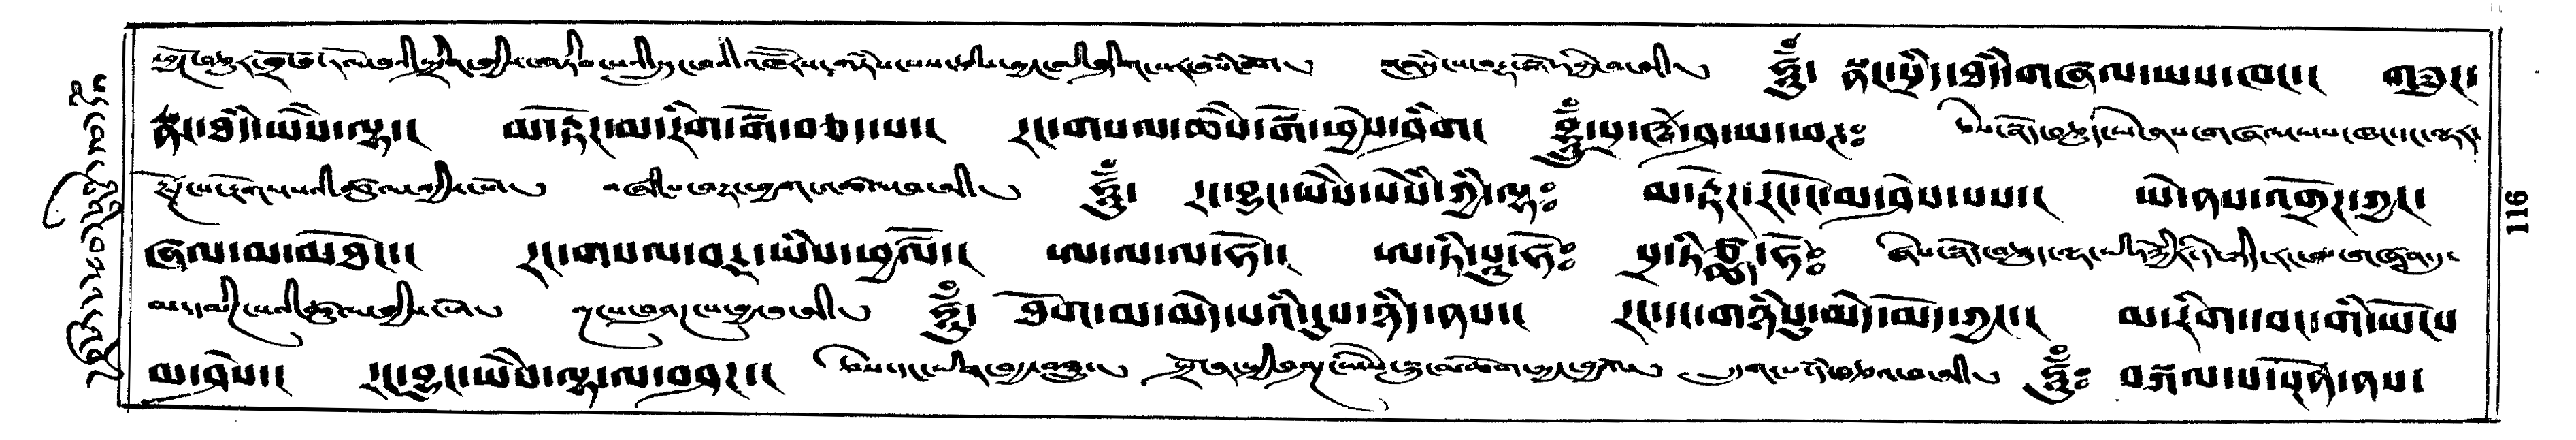ཕྱོགས་བཅུར་ཁྲོ་བོ་རོལ་བུའི་སྤྲིན་གྱིས་གཏིབས་པའི་སྲུང་བའི་འཁོརལོས་གཏམས་པས་ཅིས་ཀྱང་མི་ཤིགས་བར་བསམ་མོ།། གསུམ་པ་བརྡ་སྒོ་བྱེ་བ་ནི། ཧཱུྃ། སྣང་སྲིད་ཐམས་ཅད་གཞལ་ཡས་ཁང་། །གཟུགས་
སྣང་ཐམས་ཅད་ཡེ་ཤེས་ལྷ། །མ་རྟོགས་མ་རིག་སྒོ་བཅད་པ། །རང་གསལ་ཡེ་ཤེས་སྒོ་ཕྱེས་ཤིག །བྷྲུྃ་པྲ་ཝེ་ཤ་ཡ་ཕཊཿ ཅེས་སྣོད་བཅུད་ཡེ་ནས་གཞལ་ཡས་ཁང་དང་ལྷར་
རྫོགས་པ་རྟོགས་པའི་ཚུལ་གྱིས་སོ།། བཞི་པ་བརྡ་ཕྱག་འཚལ་བ་ནི། ཧཱུྃ། རང་བྱུང་ཡེ་ཤེས་སེམས་ཀྱི་ལྷཿམ་རྟོགས་རང་ངོ་མ་ཤེས་པས།། ཡེ་ནས་འགྲོགས་ཀྱང་
ཞལ་མ་མཐོང་། །རང་གསལ་བརྡ་ཡིས་ཕྱག་འཚལ་ལོ།། ཨ་ལ་ལ་ཧོཿ ཨ་ཏི་པཱུ་ཧོཿ པྲ་ཏིཙྪ་ཧོཿ ཞེས་སྣོད་བཅུད་ལྷའི་དཀྱིལ་འཁོར་དེ་ཉིད་རང་ལས་གཞན་དུ་
མ་དམིགས་པའི་ཚུལ་གྱིས་སོ།། སྔ་པ་བཤགས་པ་བྱ་བ་ནི། ཧཱུྃཿ ཐོག་མ་མེད་པའི་དུས་ཉིད་ནས། །རང་དང་གཉིས་སུ་མེད་མོད་ཀྱང་། །མ་རིག་དབང་གིས་ཡོངས་
མ་ཤེས། །རང་བྱུང་ཡེ་ཤེས་ལྷ་ལ་བཤགས།། ཅེས་དང་ཡིག་བརྒྱ་བཟླ། སྤྲོ་ན་སྤྱི་བཤགས་ཡེ་ཤེས་སྐུ་མཆོག་ཀྱང་བྱའོ།། དྲུག་པ་དམ་བཅའ་བ་ནི། ཧཱུྃཿ བསྐལ་པ་སྔོན་ནས་